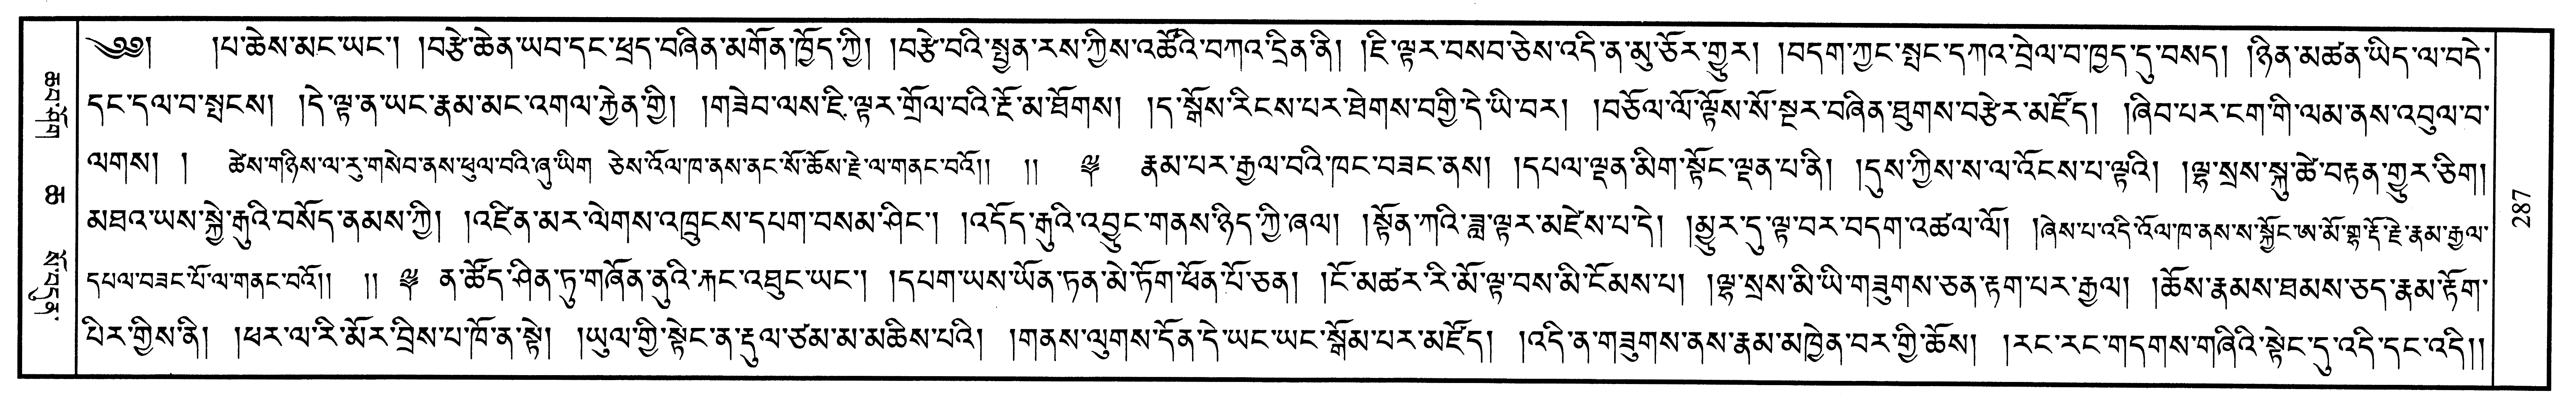༄༅། །པ་ཆེས་མང་ཡང་། །བརྩེ་ཆེན་ཡབ་དང་ཕྲད་བཞིན་མགོན་ཁྱོད་ཀྱི། །བརྩེ་བའི་སྤྱན་རས་ཀྱིས་འཚོའི་བཀའ་དྲིན་ནི། །ཇི་ལྟར་བསབ་ཅེས་འདི་ན་མུ་ཅོར་གྱུར། །བདག་ཀྱང་སྤང་དཀའ་བྲེལ་བ་ཁྱད་དུ་བསད། །ཉིན་མཚན་ཡིད་ལ་བདེ་
དང་དལ་བ་སྤངས། །དེ་ལྟ་ན་ཡང་རྣམ་མང་འགལ་རྐྱེན་གྱི། །གཟེབ་ལས་ཇི་ལྟར་གྲོལ་བའི་རྔོ་མ་ཐོགས། །ད་སྒོས་རིངས་པར་ཐེགས་བགྱི་དེ་ཡི་བར། །བཅོལ་ལོ་ལྟོས་སོ་སྔར་བཞིན་ཐུགས་བརྩེར་མཛོད། །ཞིབ་པར་ངག་གི་ལམ་ནས་འབུལ་བ་
ལགས། །ཚེས་གཉིས་ལ་རུ་གསེབ་ནས་ཕུལ་བའི་ཞུ་ཡིག་ཅེས་འོལ་ཁ་ནས་ནང་སོ་ཆོས་རྗེ་ལ་གནང་བའོ།། །། ༈ རྣམ་པར་རྒྱལ་བའི་ཁང་བཟང་ནས། །དཔལ་ལྡན་མིག་སྟོང་ལྡན་པ་ནི། །དུས་ཀྱིས་ས་ལ་འོངས་པ་ལྟའི། །ལྷ་སྲས་སྐུ་ཚེ་བརྟན་གྱུར་ཅིག།
མཐའ་ཡས་སྐྱེ་རྒུའི་བསོད་ནམས་ཀྱི། །འཛིན་མར་ལེགས་འཁྲུངས་དཔག་བསམ་ཤིང་། །འདོད་རྒུའི་འབྱུང་གནས་ཉིད་ཀྱི་ཞལ། །སྟོན་ཀའི་ཟླ་ལྟར་མཛེས་པ་དེ། །མྱུར་དུ་ལྟ་བར་བདག་འཚལ་ལོ། །ཞེས་པ་འདི་འོལ་ཁ་ནས་ས་སྐྱོང་ཨ་མོ་གྷ་རྡོ་རྗེ་རྣམ་རྒྱལ་
དཔལ་བཟང་པོ་ལ་གནང་བའོ།། །། ༈ ན་ཚོད་ཤིན་ཏུ་གཞོན་ནུའི་རྐང་འཐུང་ཡང་། །དཔག་ཡས་ཡོན་ཏན་མེ་ཏོག་ཕོན་པོ་ཅན། །ངོ་མཚར་རི་མོ་ལྟ་བས་མི་ངོམས་པ། །ལྷ་སྲས་མི་ཡི་གཟུགས་ཅན་རྟག་པར་རྒྱལ། །ཆོས་རྣམས་ཐམས་ཅད་རྣམ་རྟོག་
པིར་གྱིས་ནི། །ཕར་ལ་རི་མོར་བྲིས་པ་ཁོ་ན་སྟེ། །ཡུལ་གྱི་སྟེང་ན་རྡུལ་ཙམ་མ་མཆིས་པའི། །གནས་ལུགས་དོན་དེ་ཡང་ཡང་སྒོམ་པར་མཛོད། །འདི་ན་གཟུགས་ནས་རྣམ་མཁྱེན་པར་གྱི་ཆོས། །རང་རང་གདགས་གཞིའི་སྟེང་དུ་འདི་དང་འདི།།